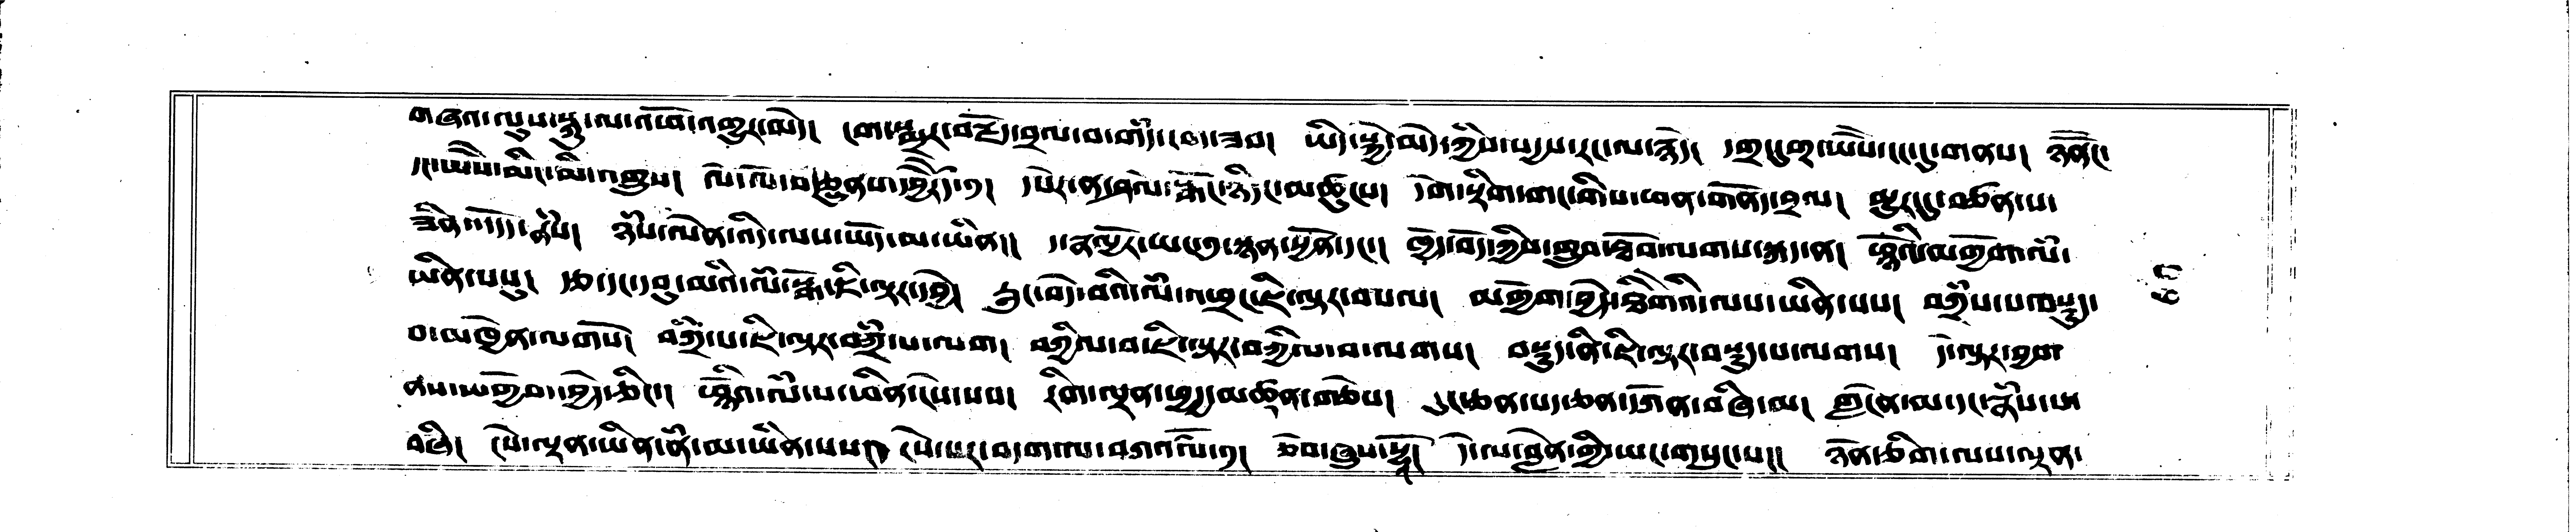གཞའ་ལུས་སྐུ་ལ་འཕོ་འགྱུར་མེད། ངག་སྨར་བརྗོད་བྲལ་བ་གདམས་ངག་ཟབ། ཡིད་སྐྱེ་མེད་ཀྱི་སངས་རྒྱས་རང་ལ་རྙེད། དགྲ་དུག་ལྔ་ཡེ་ཤེས་ངང་དུ་གནས། ཉོན་མོངས་
དང་ཡེ་ཤེས་མིང་མི་འགྲུབ། ལེ་ལོ་བརྩོན་འགྲུས་དབྱེར་མེད་གཅིག དཔེར་ན་ཤེལ་སྒོང་ཉིད་དང་མཚུངས། དགེ་སྡིག་གང་གིས་ཕན་གནོད་བྲལ། མྱུར་དུ་བཙན་ས་
ཟིན་འདོད་རྣམས། ཉམས་ལེན་འདི་ལས་ཡོད་མ་ཡིན། ད་རྣལ་འབྱོར་ཡང་གཅིག་སྙན་གསོན་དང་། ཁྱོད་བོད་ཀྱི་གྲུབ་ཐོབ་ལགས་སྐད་ན། ཕོ་ཉའི་མགྱོགས་ལམ་
ཡིན་པས་སུ། རྩ་དང་དབུ་མའི་ལམ་སྒོ་ཇི་ལྟར་དབྱེ། རླུང་བདེ་བའི་ལམ་འཕྲང་ཇི་ལྟར་གསལ། མགྱོགས་བྱེད་ཐིག་ལེའི་ལས་ཡིན་པས། བཀྲམ་པ་སྡུད་
པ་མཁྱེན་ལགས་སོ། བཀྲམ་པ་ཇི་ལྟར་བཀྲམ་པ་ལགས། བཀྱིལ་བ་ཇི་ལྟར་བཀྱིལ་བ་ལགས། བསྡུད་ནི་ཇི་ལྟར་སྡུད་པ་ལགས། དེ་ལྟར་བྱས་
ནས་མགྱོགས་བྱེད་ཅིང་། ཕོ་ཉའི་ལམ་པ་ཡིན་ངེས་པས། རིག་ལྡན་ཕྱག་རྒྱ་མཚན་ལྡན་གཅེས། དུང་ཅན་པད་ཅན་དཀོན་བཞི་མ། གླང་ཆེན་མ་དང་རྣམ་པ་
བཞི། ངེས་ལྡན་ཡིན་ནམ་མ་ཡིན་པས། ངེས་པར་བདག་ལ་བཀའ་སྩོལ་ཅིག། ཅེས་ཞུས་སོ། དེ་ལ་བླ་ཆེན་གྱིས་ཡང་གསུངས་པ། ཉོན་ཅིག་ལས་ལྡན་